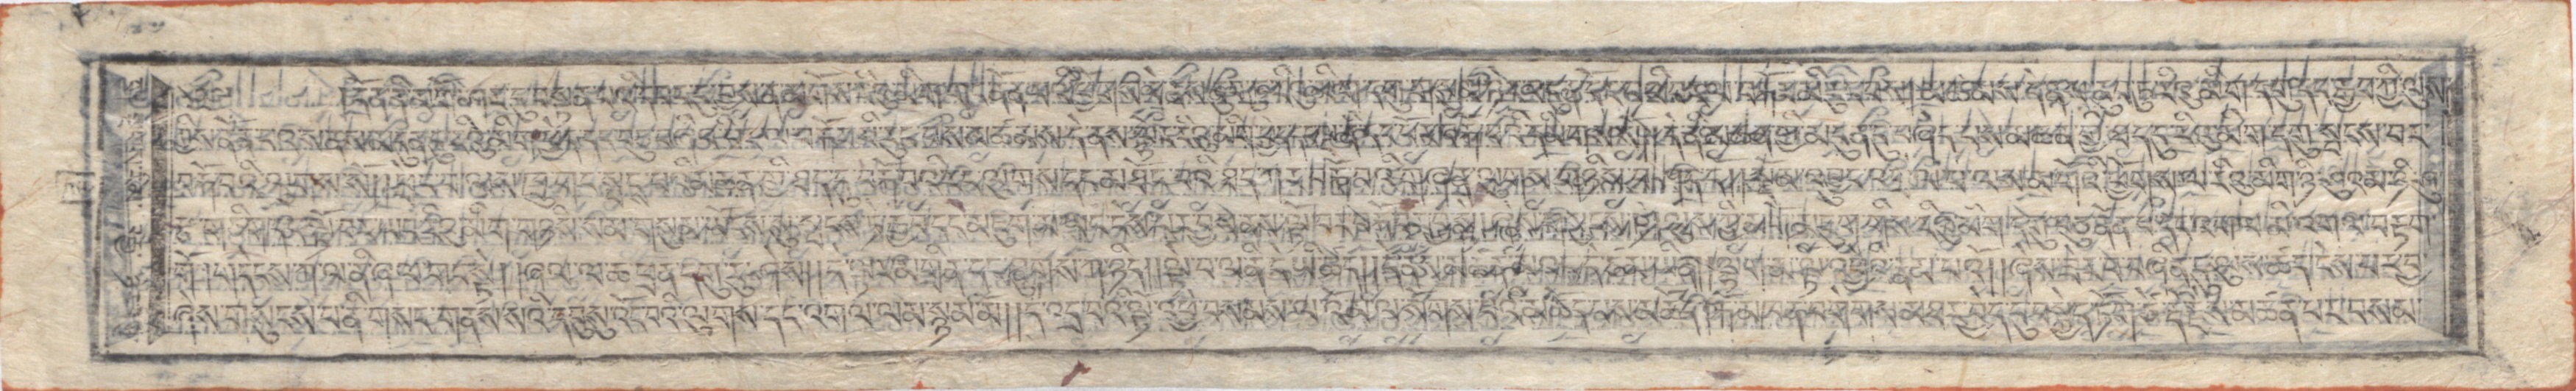༄༅། །དོན་ནི་མགོ་ཤར་དུ་བསྟན་པའི་དབང་དུ་བྱས་ན་མགོས་རིའུ་མིག་གང་ནོན་པའི་ཕྱོགས་དེ་ནས་ནུབ་ཏུ་རིའུ་མིག་དགུ་གསུམ་ཉེར་བདུན་དོར་བའི་བར་ལ་བརྐོར་མི་རུང་བས། མཚམས་དེ་ནས་ནུབ་ཏུ་རིའུ་མིག་དགུ་དང་རྒྱབ་ཀྱི་ལུས་
གྱིས་ནོན་པའི་ས་ནས་མདུན་དུ་རིའུ་མིག་ཕྱེད་དང་བཅུ་བཞིའི་བིར་ལ་བརྐོར་མི་རུང་བས་མཚམས་དེ་ནས་ལྷོར་རིའུ་མིག་ཕྱེད་དང་ལྔ་ནི་དང་པོར་བརྐོ་བའི་དམིགས་སོ། །དེ་ནི་མཚན་གྱི་མདུན་དུ་བཞེད་པས་མཚན་གྱི་ཐད་དུ་རིའུ་མིག་དགུ་སྤངས་བར་
བརྐོ་བའི་ལུགས་སོ། །ཕྲེང་བ་ལས་ཁྲུ་གང་སྤངས་པའི་མཚན་གྱི་ཐད་དུ་བརྐོ་བའི་རང་ལུགས་དང་མཐོང་བའི་ཐད་ཀར་བརྐོ་བའི་གཞན་ལུགས་གཉིས་བཤད་དོ། །སྡོམ་འབྱུང་འགྲེལ་པ་ལས་མགོའི་ཕྱོགས་ལ་རིའུ་མིག་ཉི་ཤུའམ་ཉི་ཤུ་
རྩ་གཅིག་དང་ལྟོ་བར་ཡང་རིའུ་མིག་གཉིས་སམ་གསུམ་ཡོངས་སུ་སྤངས་ཏེ་རྒྱབ་དང་མཇུག་མ་ཡང་ངེས་པར་བྱས་ནས་ལྟོ་བར་བརྐོ་བར་བྱ་སྟེ། ཞེས་གསུངས་ཏེ། ལུས་ཀྱི་མགོ་མཇུག་གིས་རིའུ་མིག་དགུ་བཅུ་ནོན་པ་དང་འགལ་མི་འགལ་བརྟག་
གོ །གདེངས་ཀ་ལ་ནི་ཞལ་གང་སྟེ། །ཞལ་ལ་ཆ་ཕྲན་དགུ་རུ་ཤེས། །དེ་ལྟར་མགྲིན་དང་ཐུགས་ཀ་ཉིད། །ལྟེ་བ་ལ་ནི་དེ་ཡི་ཚད། །དེ་ནས་མཚན་མའང་དེ་ཙམ་ཡིན། །ལྷག་མ་ལྟོ་འཕྱེའི་རྣམ་པའོ། །ཞེས་ཟེར་བ་བཞིན་དུ་ལུས་ཚད་ངེས་པར་བྱ་
ཞེས་གསུངས་པ་ནི་གསང་གནས་སའི་དབུས་སུ་འོང་བའི་ལུགས་དང་འགལ་ལམ་སྙམ་མོ། །དེ་འདྲ་བའི་ལྟོ་འཕྱེ་བསམས་ལ་འོ་མ་ལ་སོགས་པའི་མཆོད་པས་མཆོད། རྐོ་མཁན་བགེགས་མཐར་བྱེད་དུ་བསྐྱེད་ཏོག་ཙེ་རྡོ་རྗེས་མཚན་པར་བསམ་